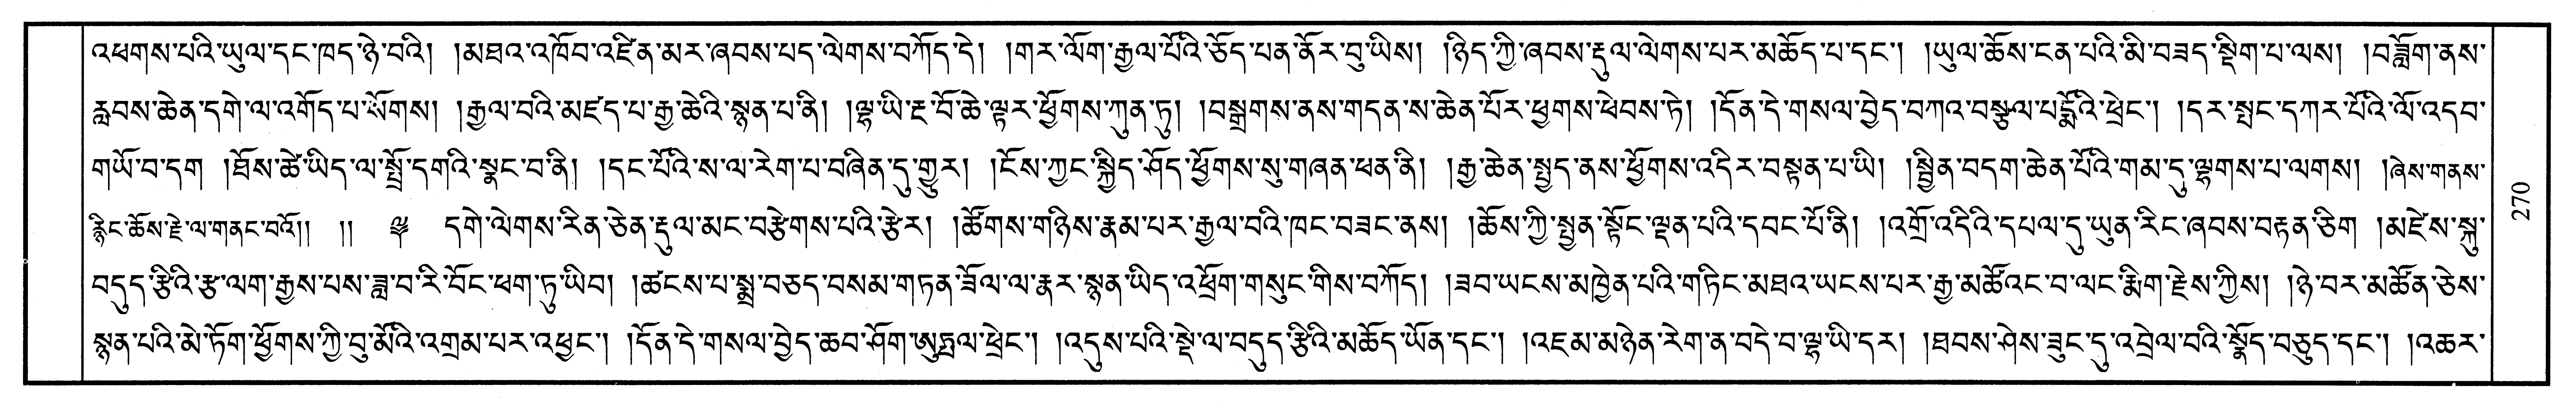འཕགས་པའི་ཡུལ་དང་ཁད་ཉེ་བའི། །མཐའ་འཁོབ་འཛིན་མར་ཞབས་པད་ལེགས་བཀོད་དེ། །གར་ལོག་རྒྱལ་པོའི་ཅོད་པན་ནོར་བུ་ཡིས། །ཉིད་ཀྱི་ཞབས་རྡུལ་ལེགས་པར་མཆོད་པ་དང་། །ཡུལ་ཆོས་ངན་པའི་མི་བཟད་སྡིག་པ་ལས། །བཟློག་ནས་
རླབས་ཆེན་དགེ་ལ་འགོད་པ་སོགས། །རྒྱལ་བའི་མཛད་པ་རྒྱ་ཆེའི་སྙན་པ་ནི། །ལྷ་ཡི་རྔ་བོ་ཆེ་ལྟར་ཕྱོགས་ཀུན་ཏུ། །བསྒྲགས་ནས་གདན་ས་ཆེན་པོར་ཕྱགས་ཕེབས་ཏེ། །དོན་དེ་གསལ་བྱེད་བཀའ་བསྩལ་པདམོའི་ཕྲེང་། །དར་སྤང་དཀར་པོའི་ལོ་འདབ་
གཡོ་བ་དག །ཐོས་ཚེ་ཡིད་ལ་སྤྲོ་དགའི་སྣང་བ་ནི། །དང་པོའི་ས་ལ་རེག་པ་བཞིན་དུ་གྱུར། །ངོས་ཀྱང་སྐྱིད་ཤོད་ཕྱོགས་སུ་གཞན་ཕན་ནི། །རྒྱ་ཆེན་སྤྱད་ནས་ཕྱོགས་འདིར་བསྟན་པ་ཡི། །སྦྱིན་བདག་ཆེན་པོའི་གམ་དུ་ལྷགས་པ་ལགས། །ཞེས་གནས་
རྙིང་ཆོས་རྗེ་ལ་གནང་བའོ།། །། ༈ དགེ་ལེགས་རིན་ཅེན་རྡུལ་མང་བརྩེགས་པའི་རྩེར། །ཚོགས་གཉིས་རྣམ་པར་རྒྱལ་བའི་ཁང་བཟང་ནས། །ཆོས་ཀྱི་སྤྱན་སྟོང་ལྡན་པའི་དབང་པོ་ནི། །འགྲོ་འདིའི་དཔལ་དུ་ཡུན་རིང་ཞབས་བརྟན་ཅིག །མཛེས་སྐུ་
བདུད་རྩིའི་རྩ་ལག་རྒྱས་པས་ཟླ་བ་རི་བོང་ཕག་ཏུ་ཡིབ། །ཚངས་པ་སྨྲ་བཅད་བསམ་གཏན་ཟོལ་ལ་རྣར་སྙན་ཡིད་འཕྲོག་གསུང་གིས་བཀོད། །ཟབ་ཡངས་མཁྱེན་པའི་གཏིང་མཐའ་ཡངས་པར་རྒྱ་མཚོའང་བ་ལང་རྨིག་རྗེས་ཀྱིས། །ཉེ་བར་མཚོན་ཅེས་
སྙན་པའི་མེ་ཏོག་ཕྱོགས་ཀྱི་བུ་མོའི་འགྲམ་པར་འཕྱང་། །དོན་དེ་གསལ་བྱེད་ཆབ་ཤོག་ཨུཏྤལ་ཕྲེང་། །འདུས་པའི་སྡེ་ལ་བདུད་རྩིའི་མཆོད་ཡོན་དང་། །འཇམ་མཉེན་རེག་ན་བདེ་བ་ལྷ་ཡི་དར། །ཐབས་ཤེས་ཟུང་དུ་འབྲེལ་བའི་སྣོད་བཅུད་དང་། །འཆར་